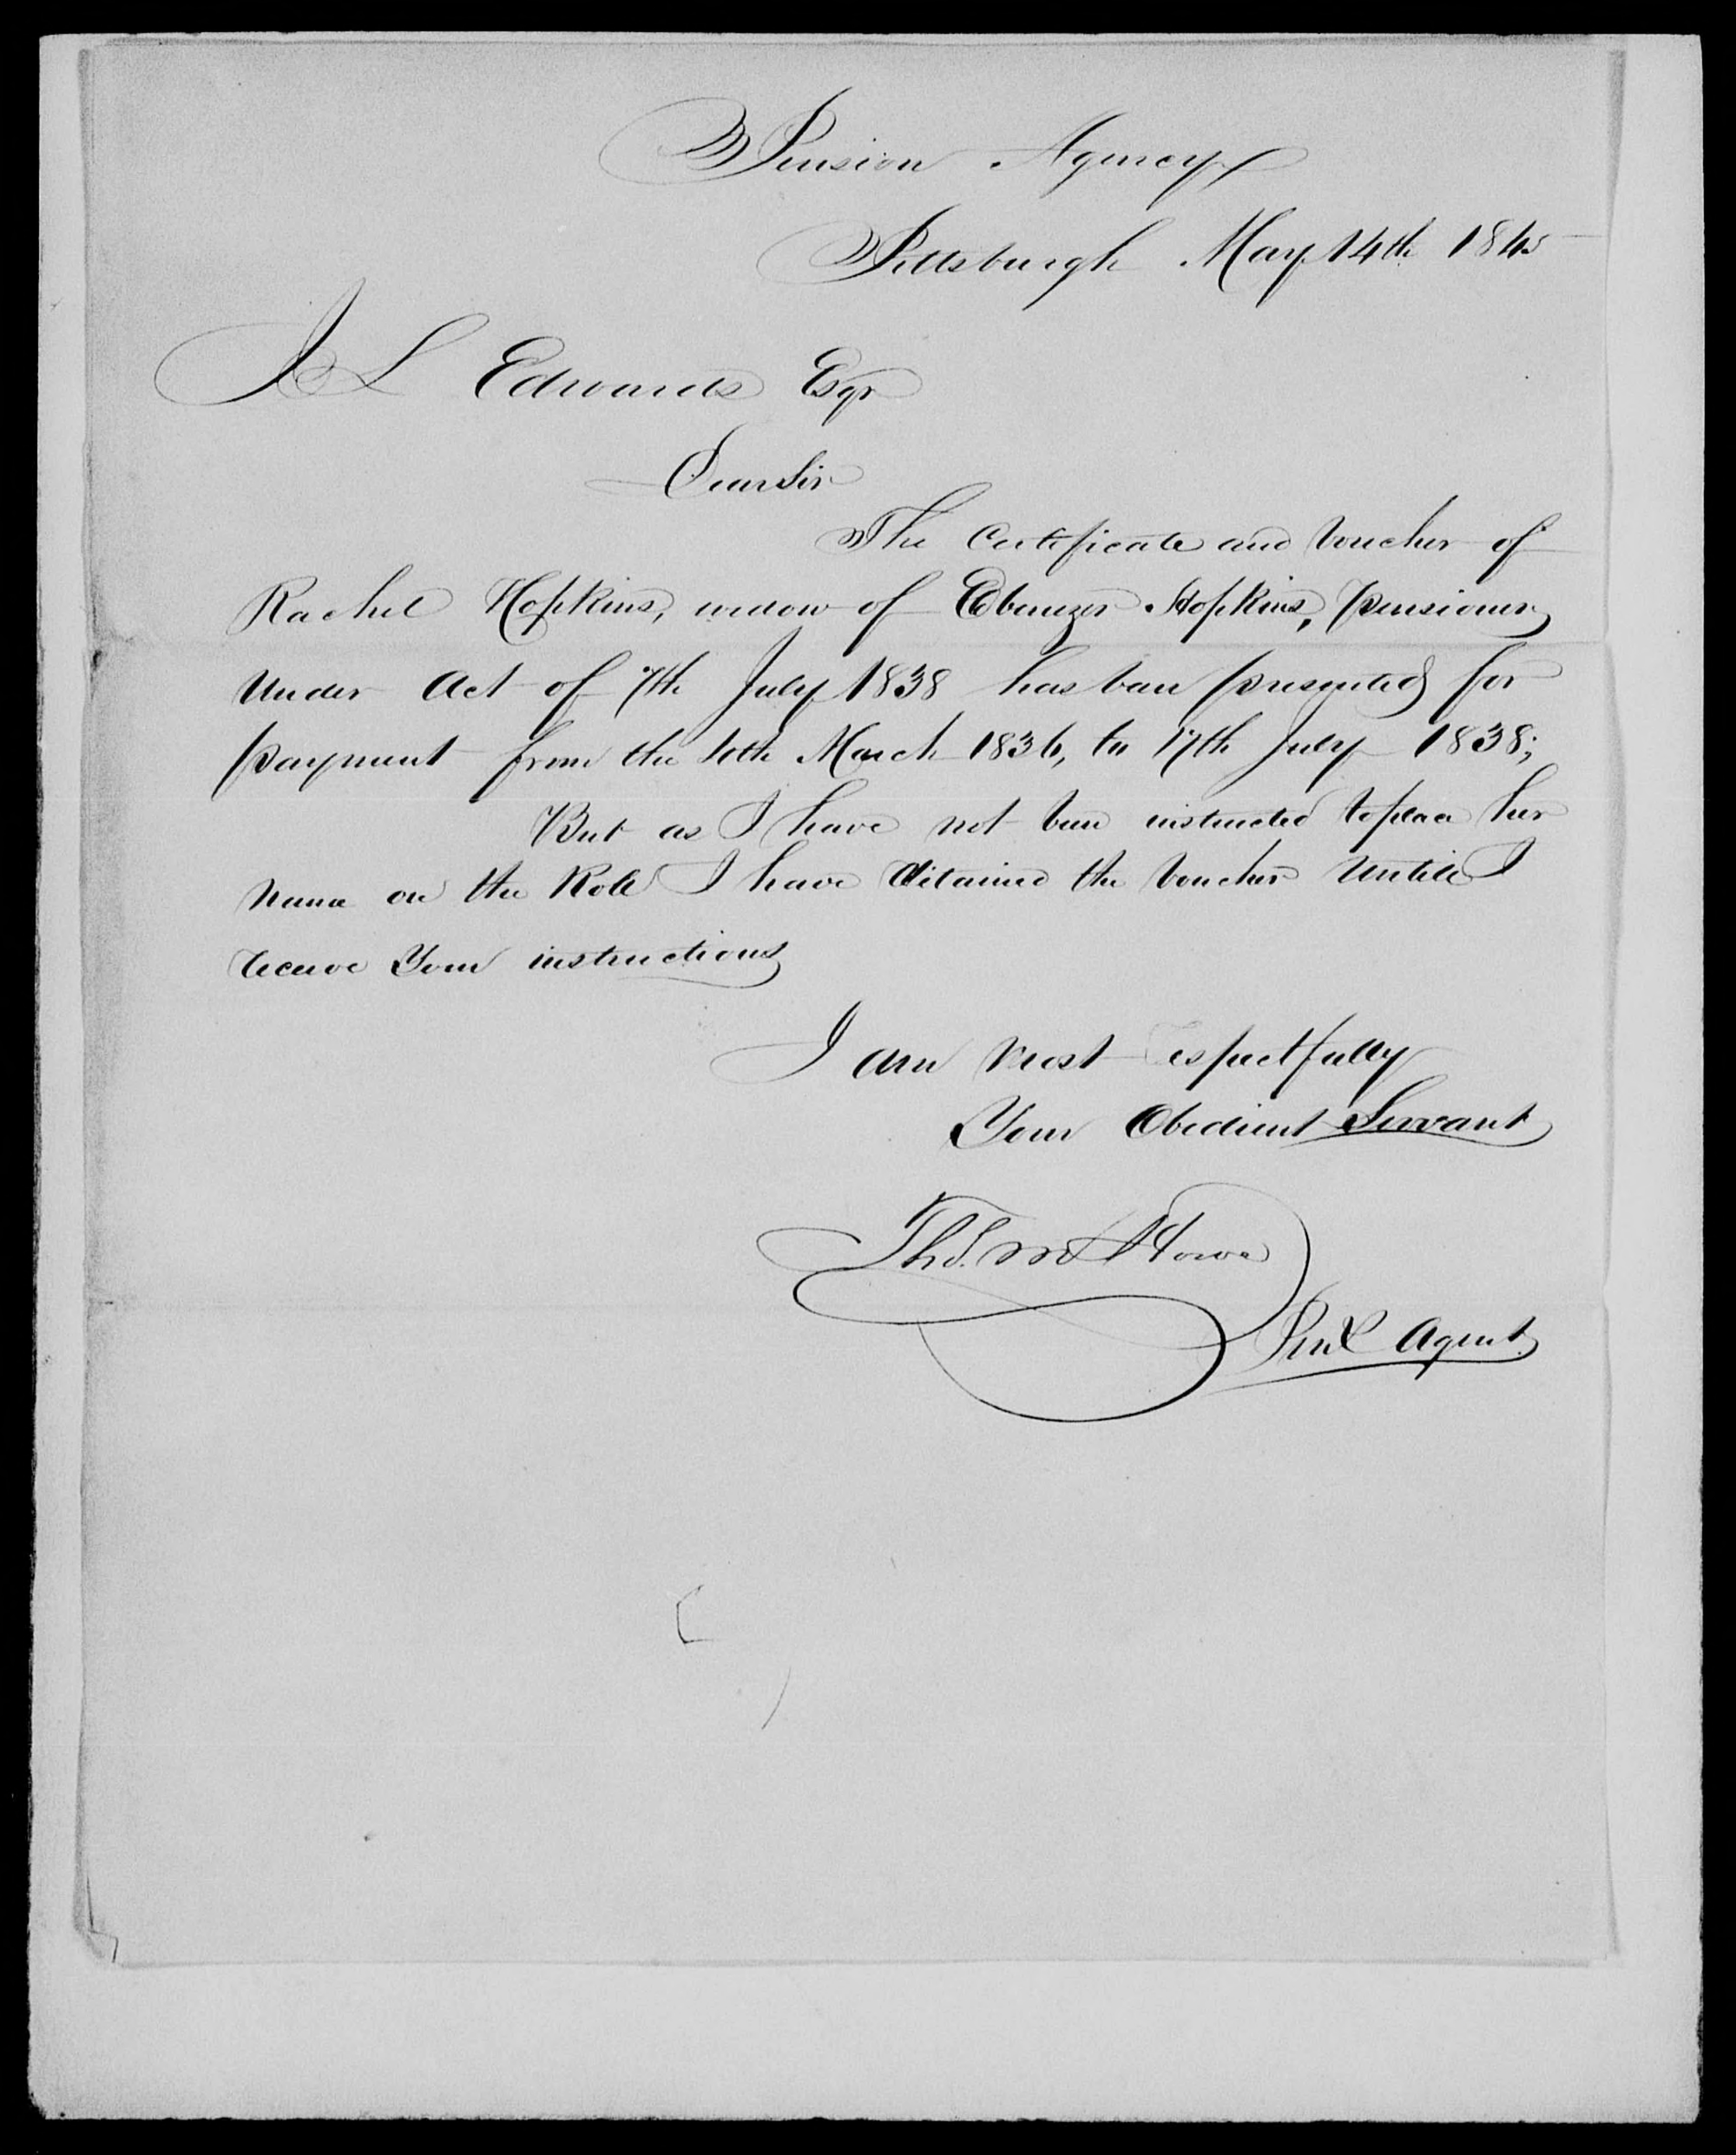Pension Agency

Pittsburgh May 14th 1845

J.S. Edwards Esqr

Dear sir
The certificate and Voucher of Rachel Hopkins, widow of Ebenezer Hopkins pensioner under act of 7th July 1838, has been presented for payment
from the 18th March 1836 to 17th July 1838, 
But as I have not been instructed to place her and on the Roll I have  detained the voucher until receive your instructions
I am most espectfully
Your Obedient Servant
-
Thos M Stowe
Pens Agent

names: Thos M Stowe, Ebenezer Hopkins, J L Edwards, Rachel Hopkins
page: 90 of 144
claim: rejected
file: R. 5208, Dennis Hopkins, N.C.